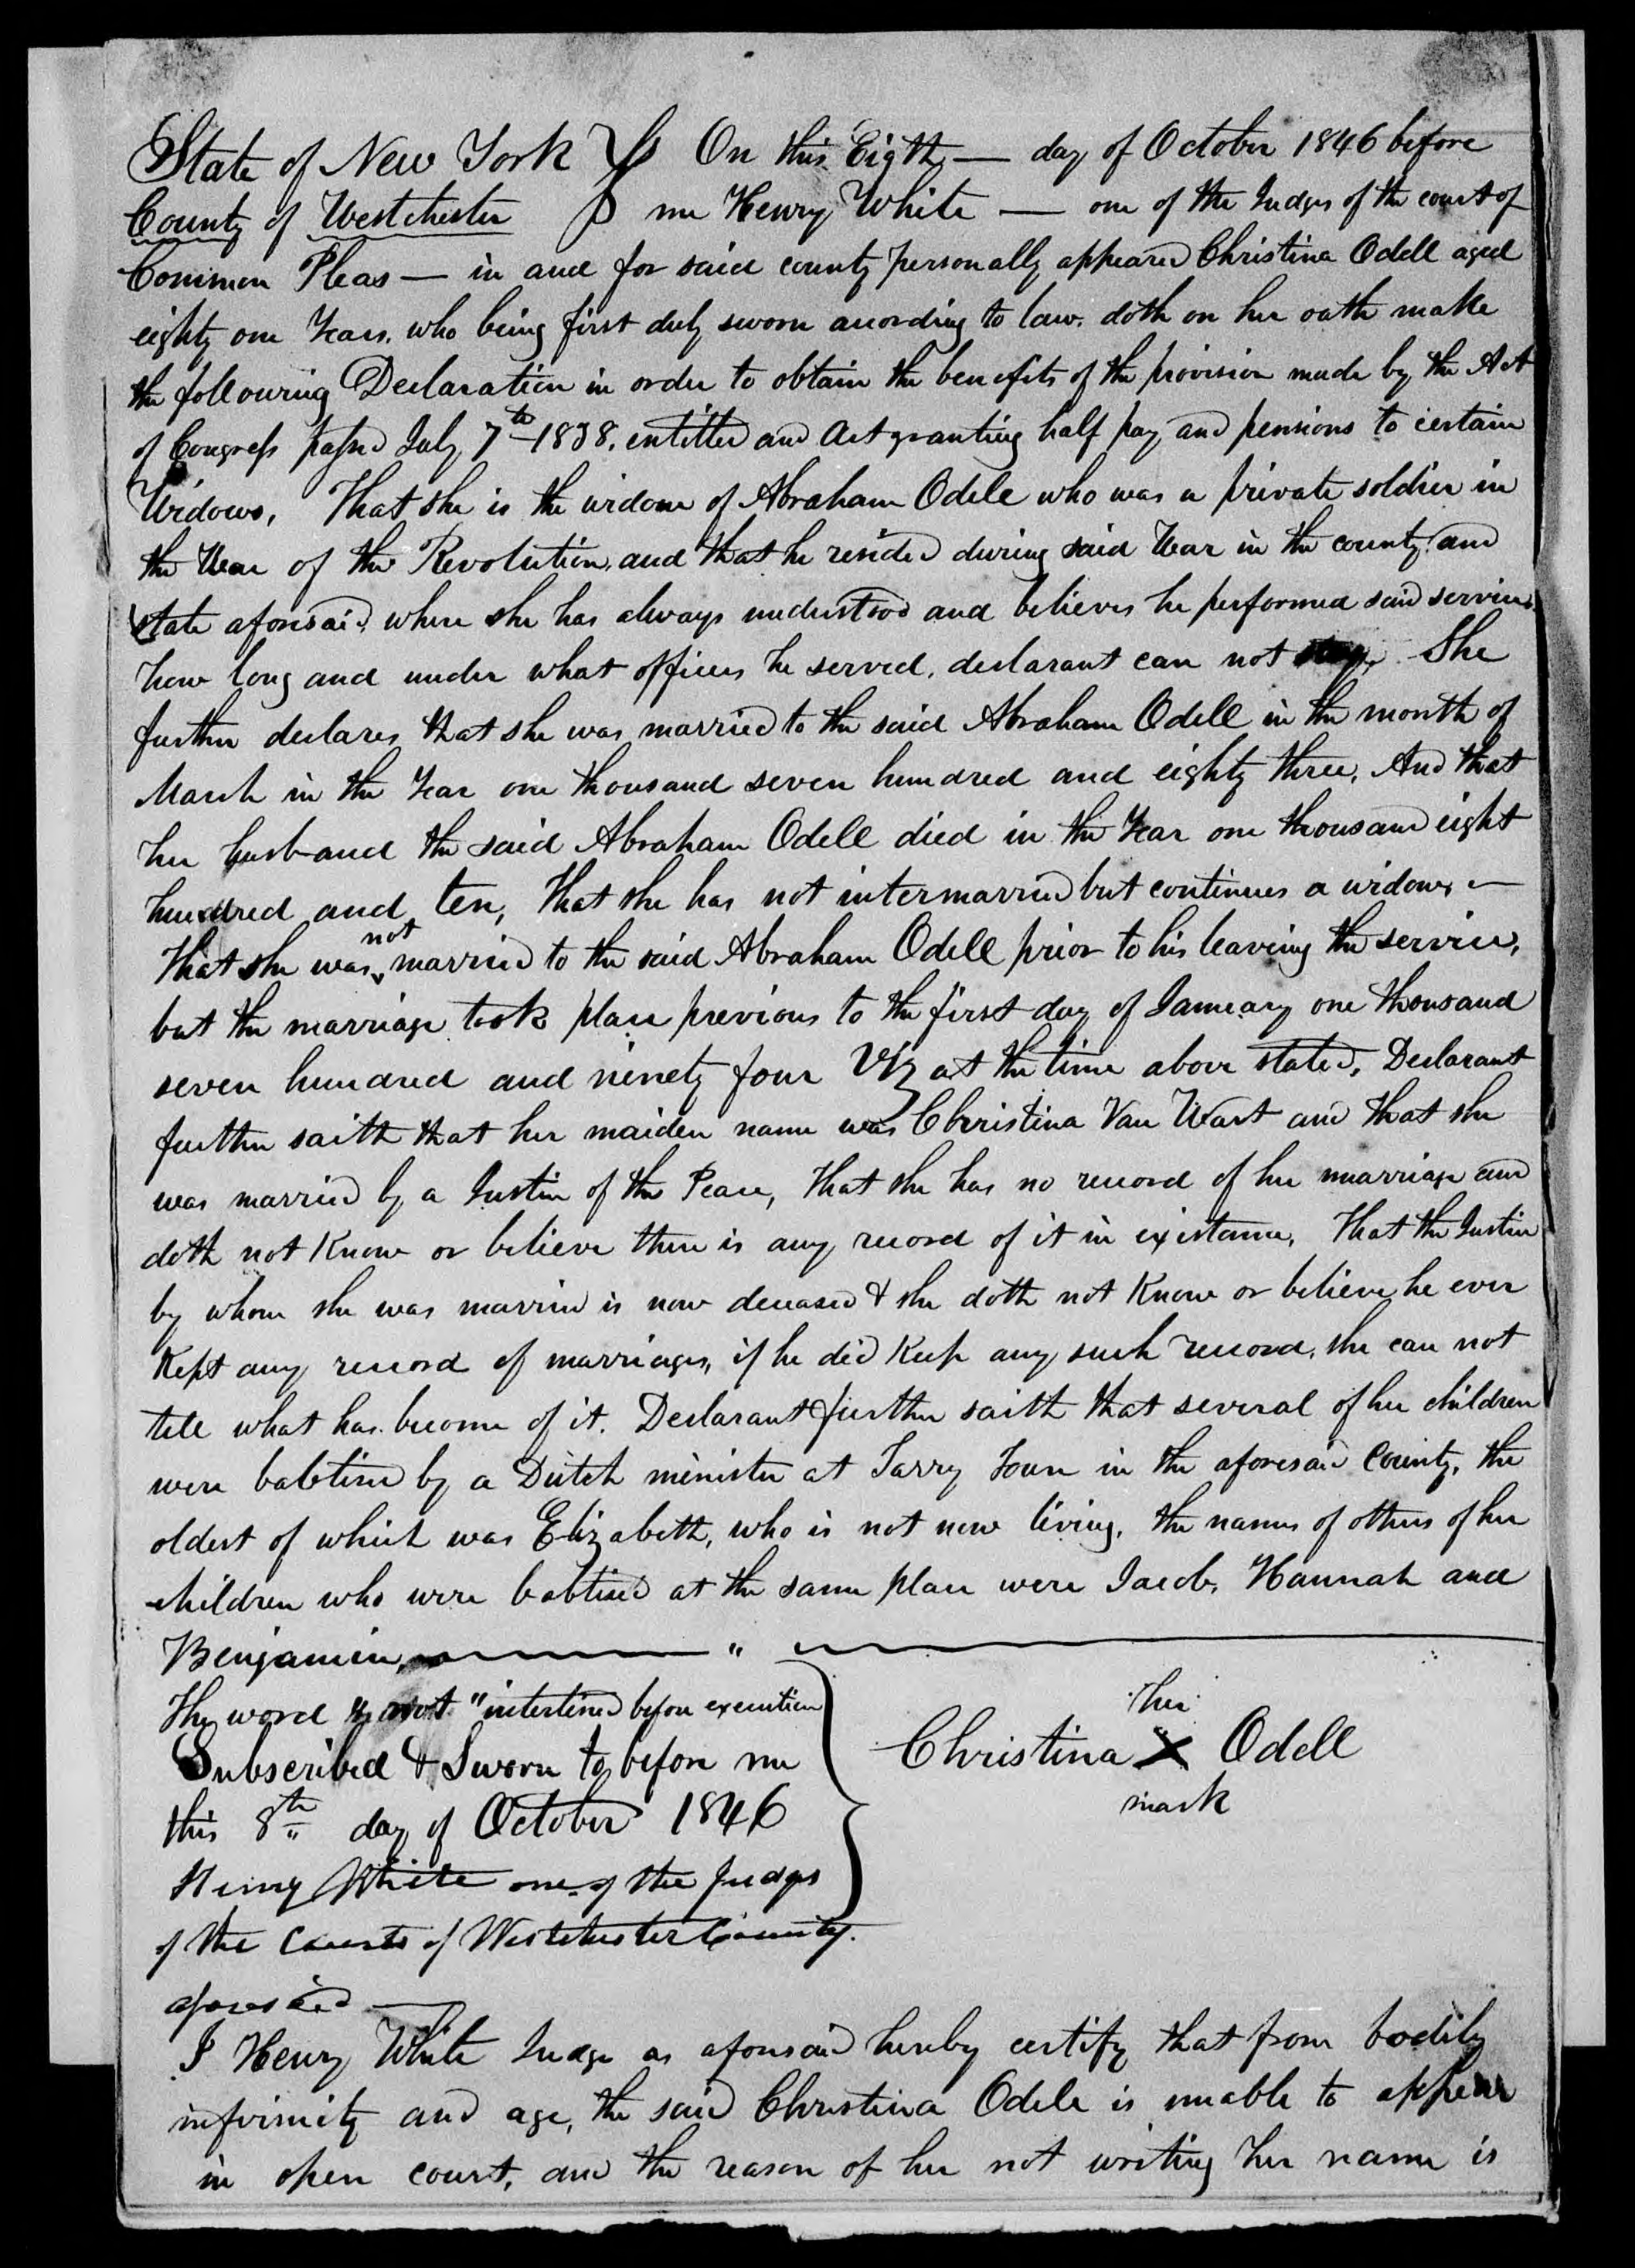State of New York County of Westchester} Ss.
On this Eigth [eighth] day of October 1846 before me Henry White -- one of the Judges of the court of Common Pleas -- in and for said County personally appeared Christina Odell aged eighty one Years, who being first duly sworn according to law, doth on her oath make the following Declaration in order to obtain the benefits of the provision made by the Act of Congress passed July 7th 1838, entitled an Act granting half pay and pensions to certain Widows. That she is the widow of Abraham Odele who was a private soldier in the War of the Revolution, and that he resided during said War in the county and State aforesaid where she has always understood and believes he performed said service how long and under what officers he served, declarant can not say. She further declares that she was married to the said Abraham Odell in the month of March in the Year one thousand seven hundred and eighty three. And that her husband the said Abraham Odell died in the Year one thousand eight hundred and ten, That she has not intermarried but continues a widow -- That she was [not -- inserted] married to the said Abraham Odell prior to his leaving the service, but the marriage took place previous to the first day of January one thousand seven hundred and ninety four viz at the time above stated. Declarant further saith that her maiden name was Christina Van Wart and That She was married by a Justice of the Peace, That she has no record of her marriage and doth not know or believe there is any record of it in existance. That the Justice by whom she was married is now deceased & she doth not know or believe he ever kept any record of marriages, if he did keep any such record, she cannot tell what has become of it. Declarant further saith that several of her children were babtised [baptized] by a Dutch minister at Tarry Town in the aforesaid County, the oldest of which was Elizabeth, who is not now living. The names of others of her children who were babtised at the same place were Jacob Hannah and Benjamin ----- Christina her X mark Odell 

The word "not" interlined before execution Subscribed & Sworn to before me this 8th day of October 1846 } 
Henry White [signature] one of the Judges of the Courts of Westchester County, aforesaid --
I Henry White Judge as aforesaid hereby certify that from bodily infirmity and age, the said Christina Odele is unable to appear in open court, and the reason of her not writing her name is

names: Christina Van Wart; [BLANK] Benjamin; Christina Odell; Jacob Hannah; Henry White; Elizabeth [BLANK]; Abraham Odell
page: 4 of 19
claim: widow's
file: W. 24363, for Abraham Odell, New York